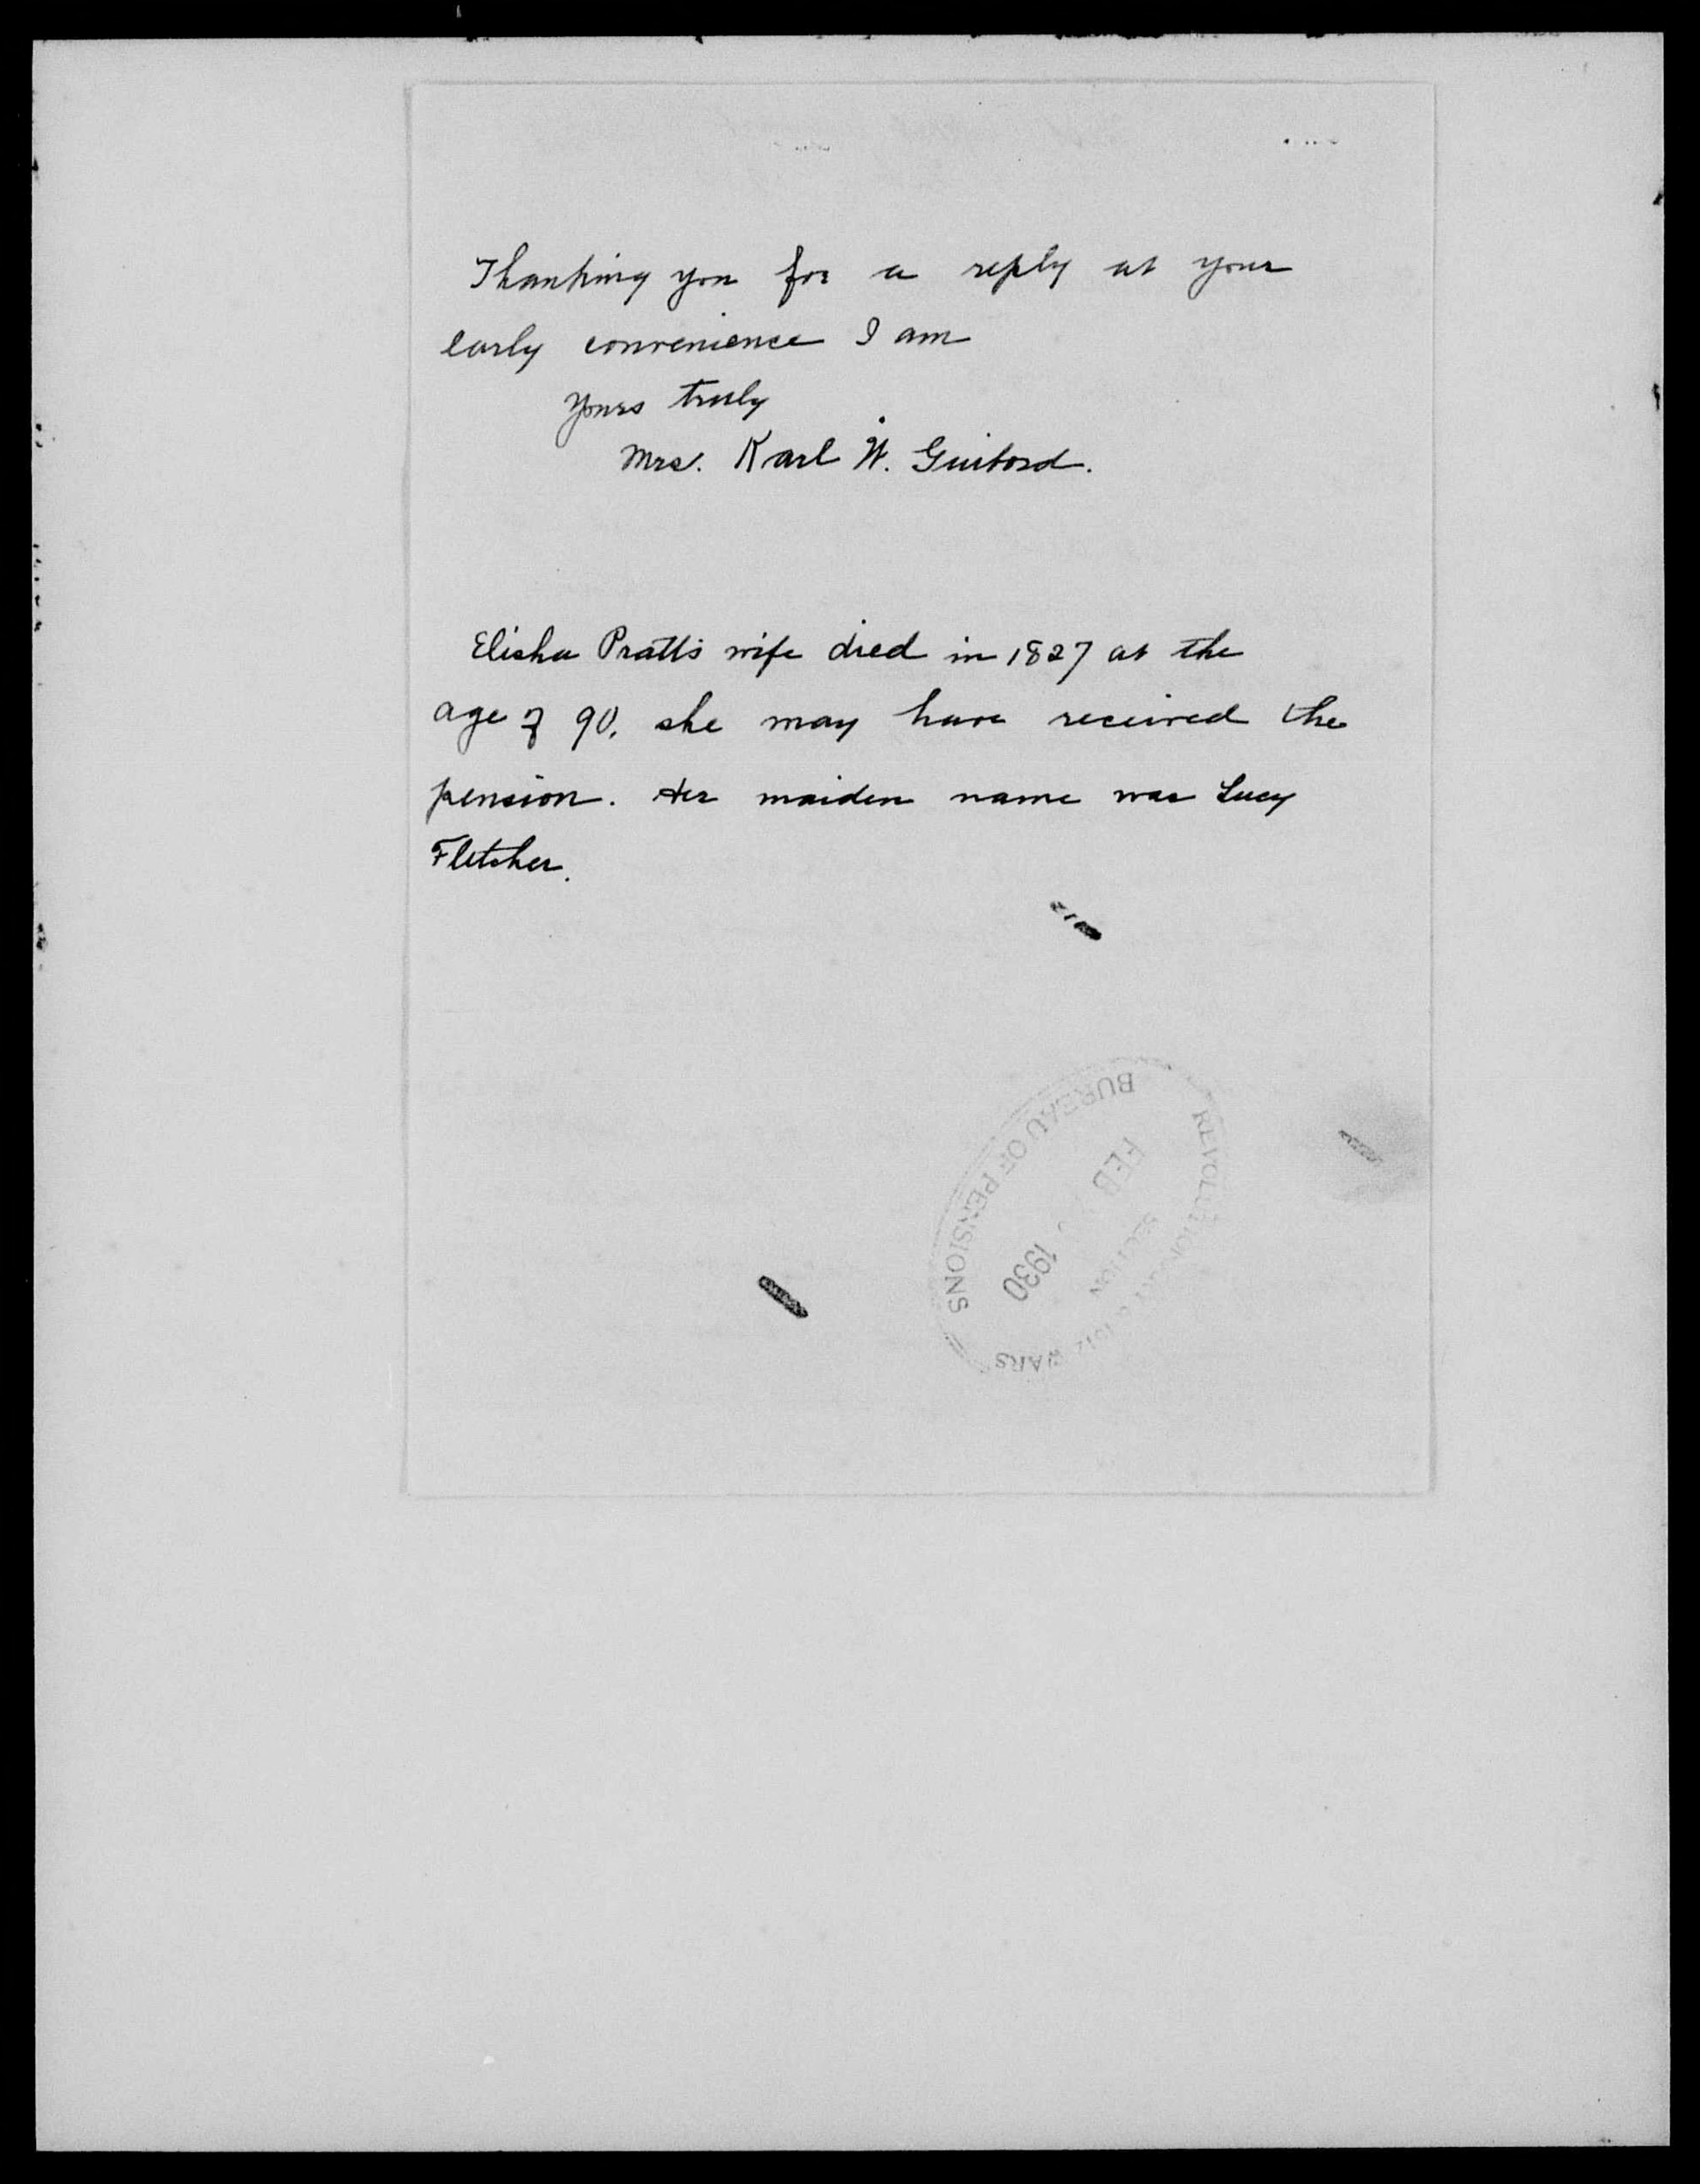Thanking you for a reply at your
convenience I am
yours truly
Mrs. Karl W. Guiford
Elisha Pratts wife died in 1827 at the
age of 90, she may have received the
pension. Her maiden name was Lucy
Fletcher
REVOLUTIONARY & 1812 WARS
BUREAU OF PENSIONS
[ ]
FEB 9 1930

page: 25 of 29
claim: survivor's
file: S. 14,222, for James Pratt, Vermont